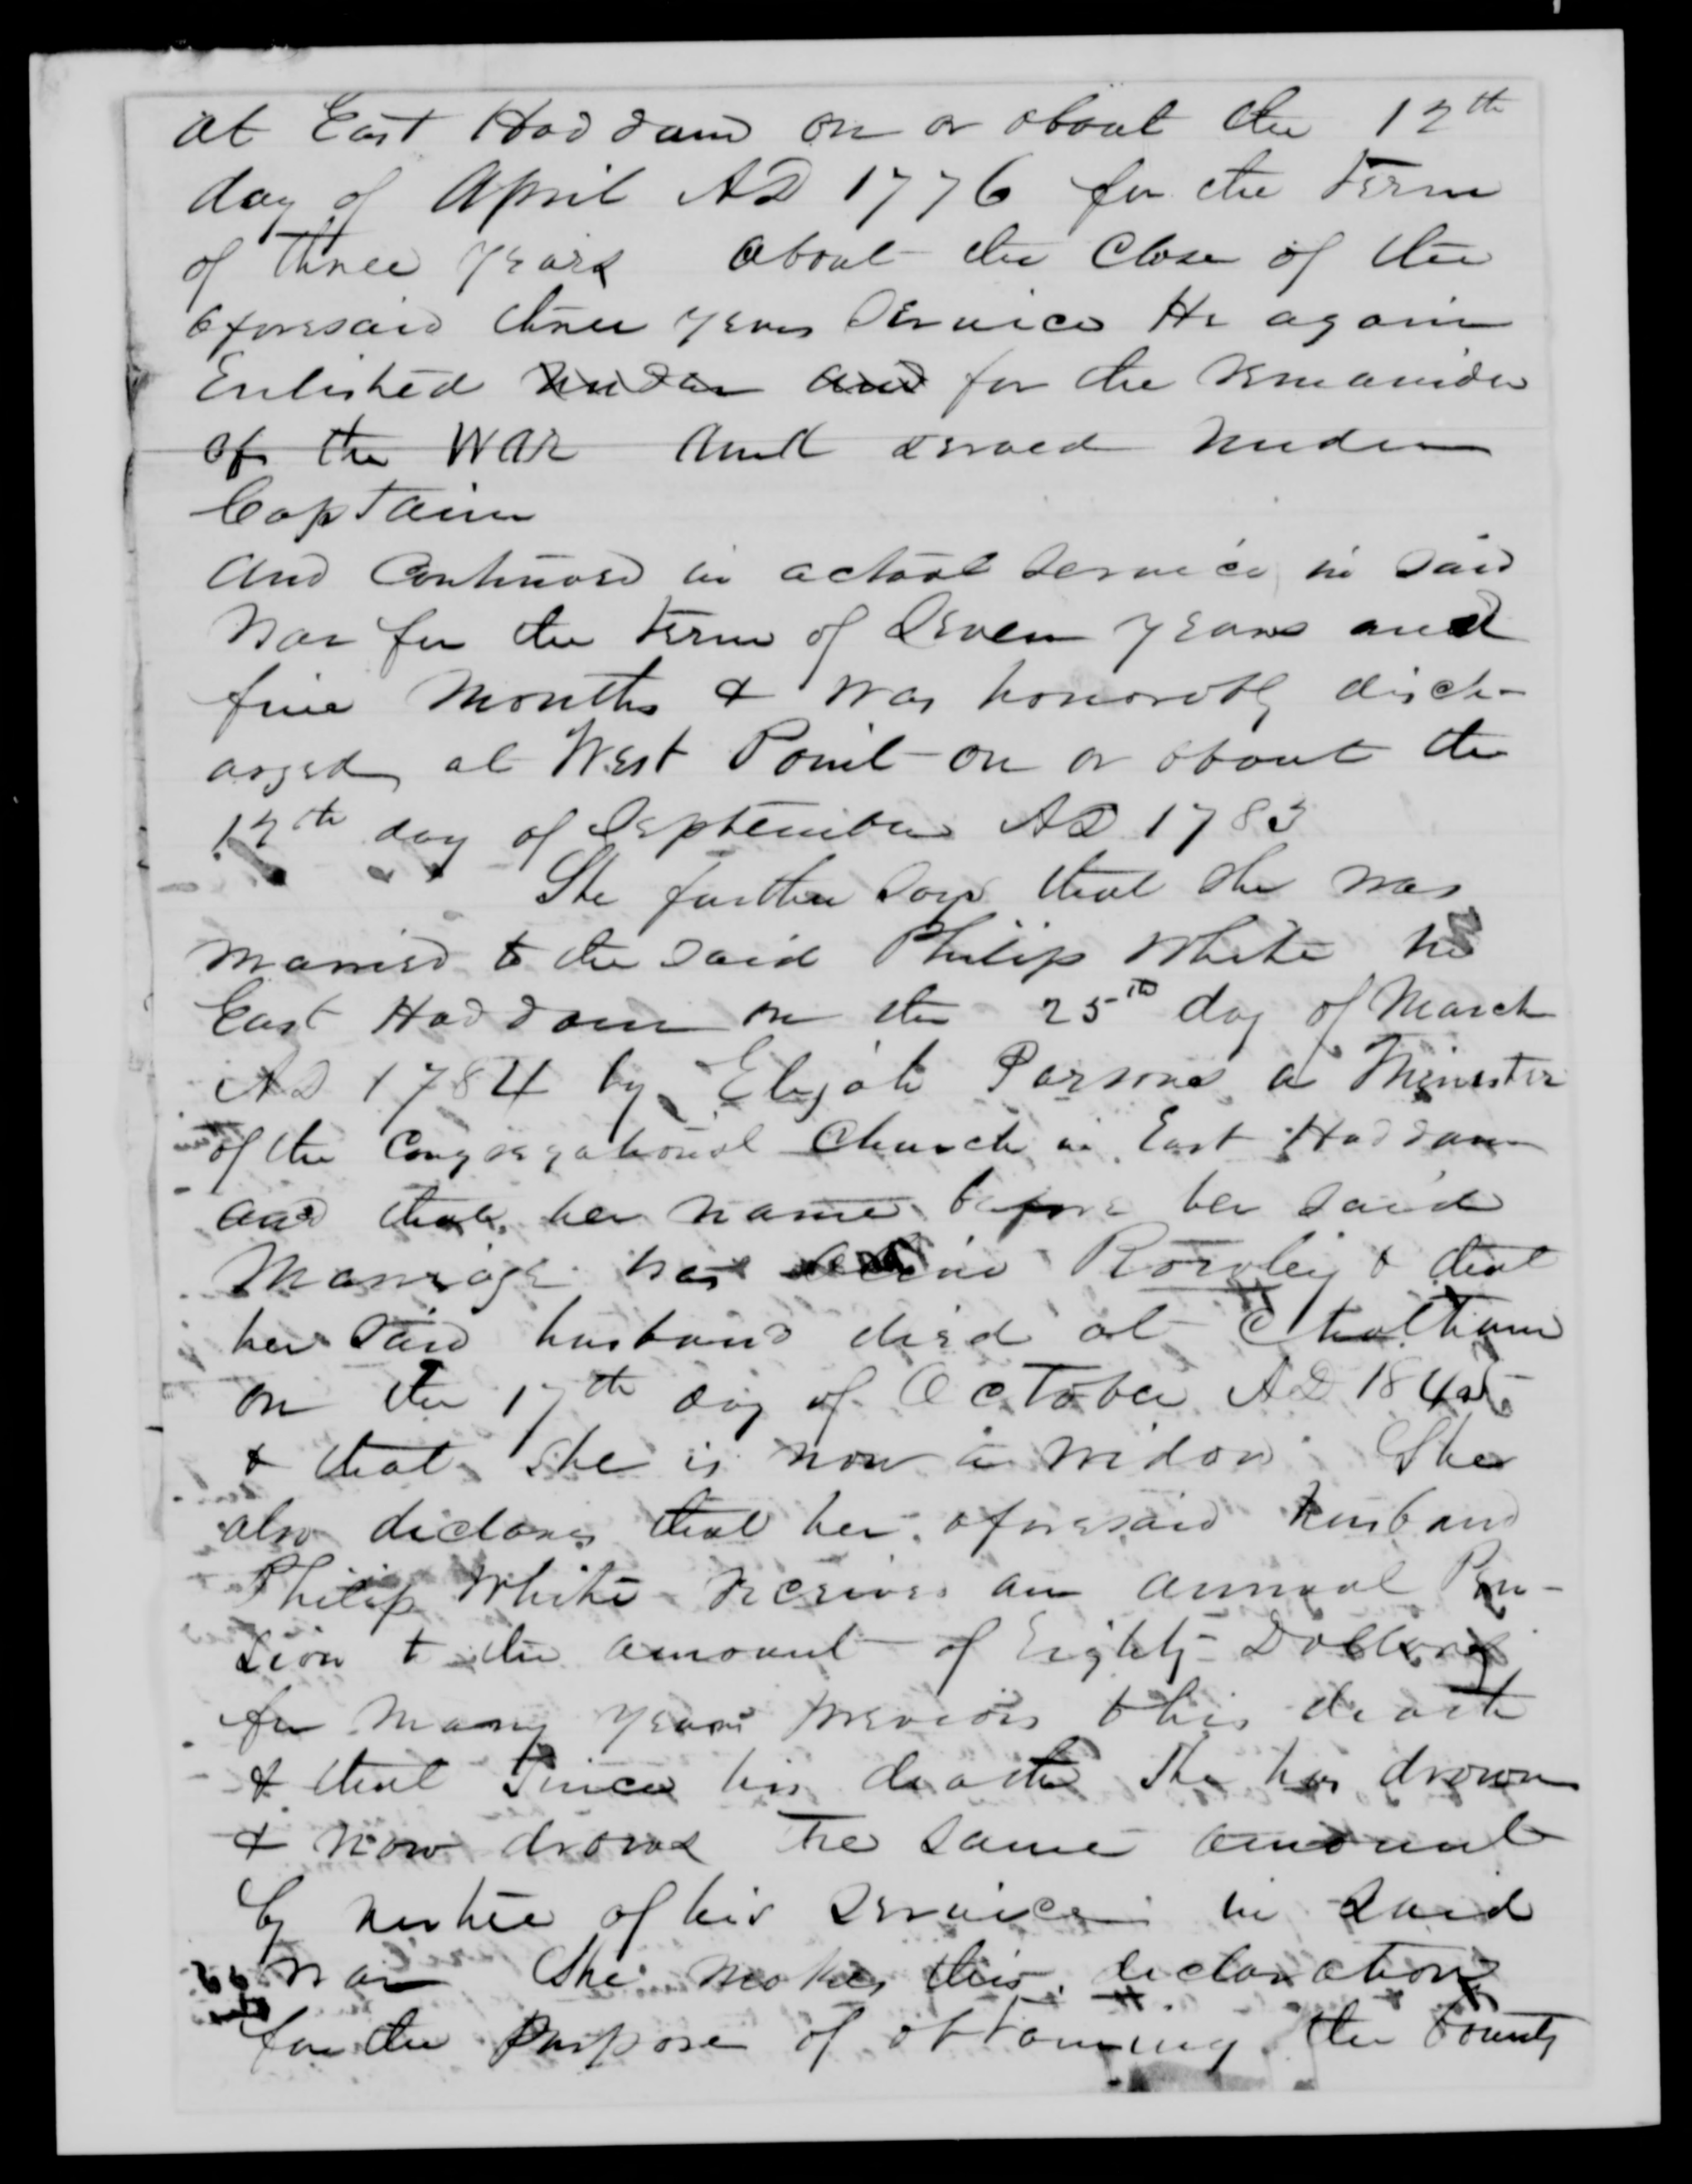at East Haddam on or about the 12th
day of April AD 1776 for the term
of three years about the close of the
aforesaid three years service he again
Enlisted [crossed out:under and] for the remainder
of the war and served under
Captain ____
and continued in actual service in said
War for the term of Seven years and
five months & was honorably discharged
at West Point - on or about the
13th day of September AD 1783
She further says on that she was
married to the said Philip White to
East Haddam on the 25th day of March
AD 1784 by Elijah Parsons a Minister
of the Congregational Church in East Haddam
and that her name before her said
Marriage is in Rowley & that
her said husband died at Chatham
on the 17th day of October AD 1841
& that she is now a widow. She
also declares that her aforesaid emband
---
Philip White receive an annual
Zion to the amount of Eighty Dollars
for many years prior to his death
& that since his death she has drown
& now draws the same amount
by
virtue of his service in said
or
she makes this declaration
for the purpose of obtaining the County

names: Elijah Parsons, Olive Rowley, Philip White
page: 24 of 50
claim: widow's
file: W. 25,969, Philip White, Conn.